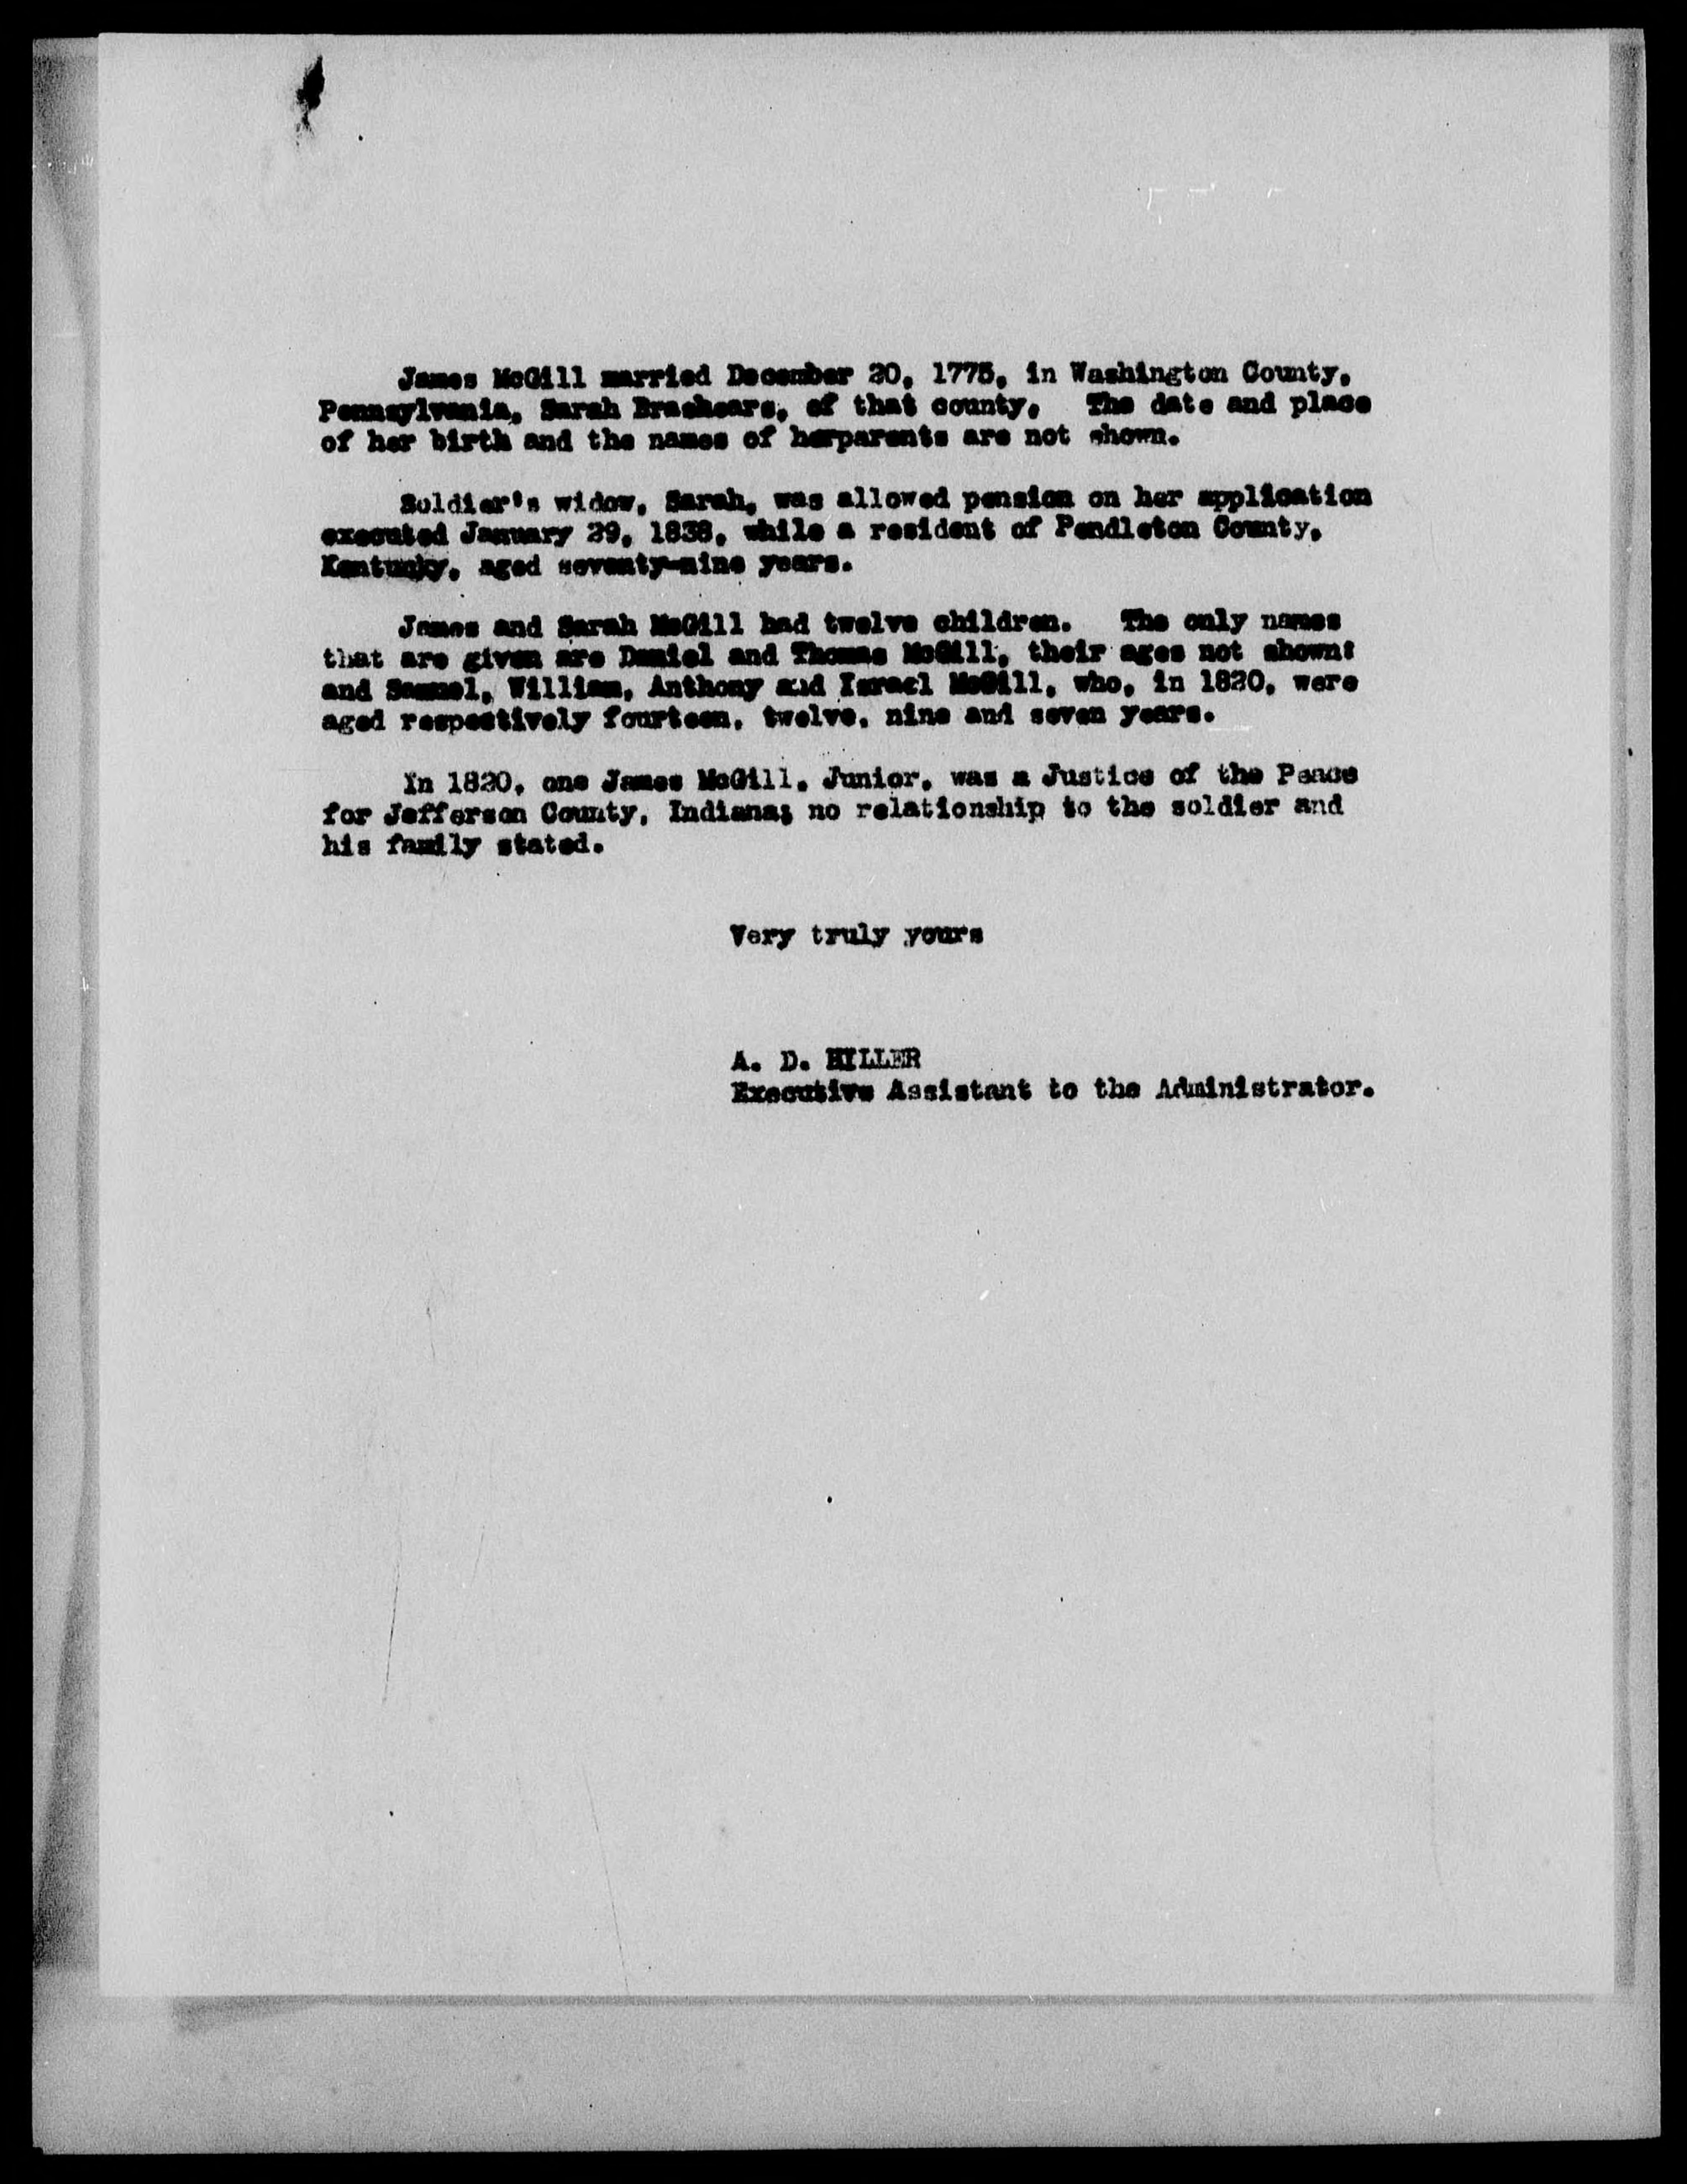Image 79    (# 4160873_00079)    
Fold3 File #23857246
[Continued from image 78]

James McGill married December 20, 1775, in Washington County, Pennsylvania, Sarah Brashears, of that county.  The date and place of her birth and the names of her parents are not shown.
Soldier's widow, Sarah, was allowed pension on her application executed January 29, 1838, while a resident of Pendleton County, Kentucky, aged seventy-nine years.
James and Sarah McGill had twelve children. The only names that are given are Daniel and Thomas McGill, their ages are not shown, and Samuel, William, Anthony and Israel McGill, who, in 1820, were aged respectively fourteen, twelve, nine and seven years.
In 1820, one James McGill, Junior, was a Justice of the Peace for Jefferson County, Indiana, no relationship to the soldier and his family stated.
Very truly yours
A.D. Hiller Executive Assistant to the Administrator.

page: 22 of 71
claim: widow's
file: W. 8428, for James Mc Gill, Pennsylvania